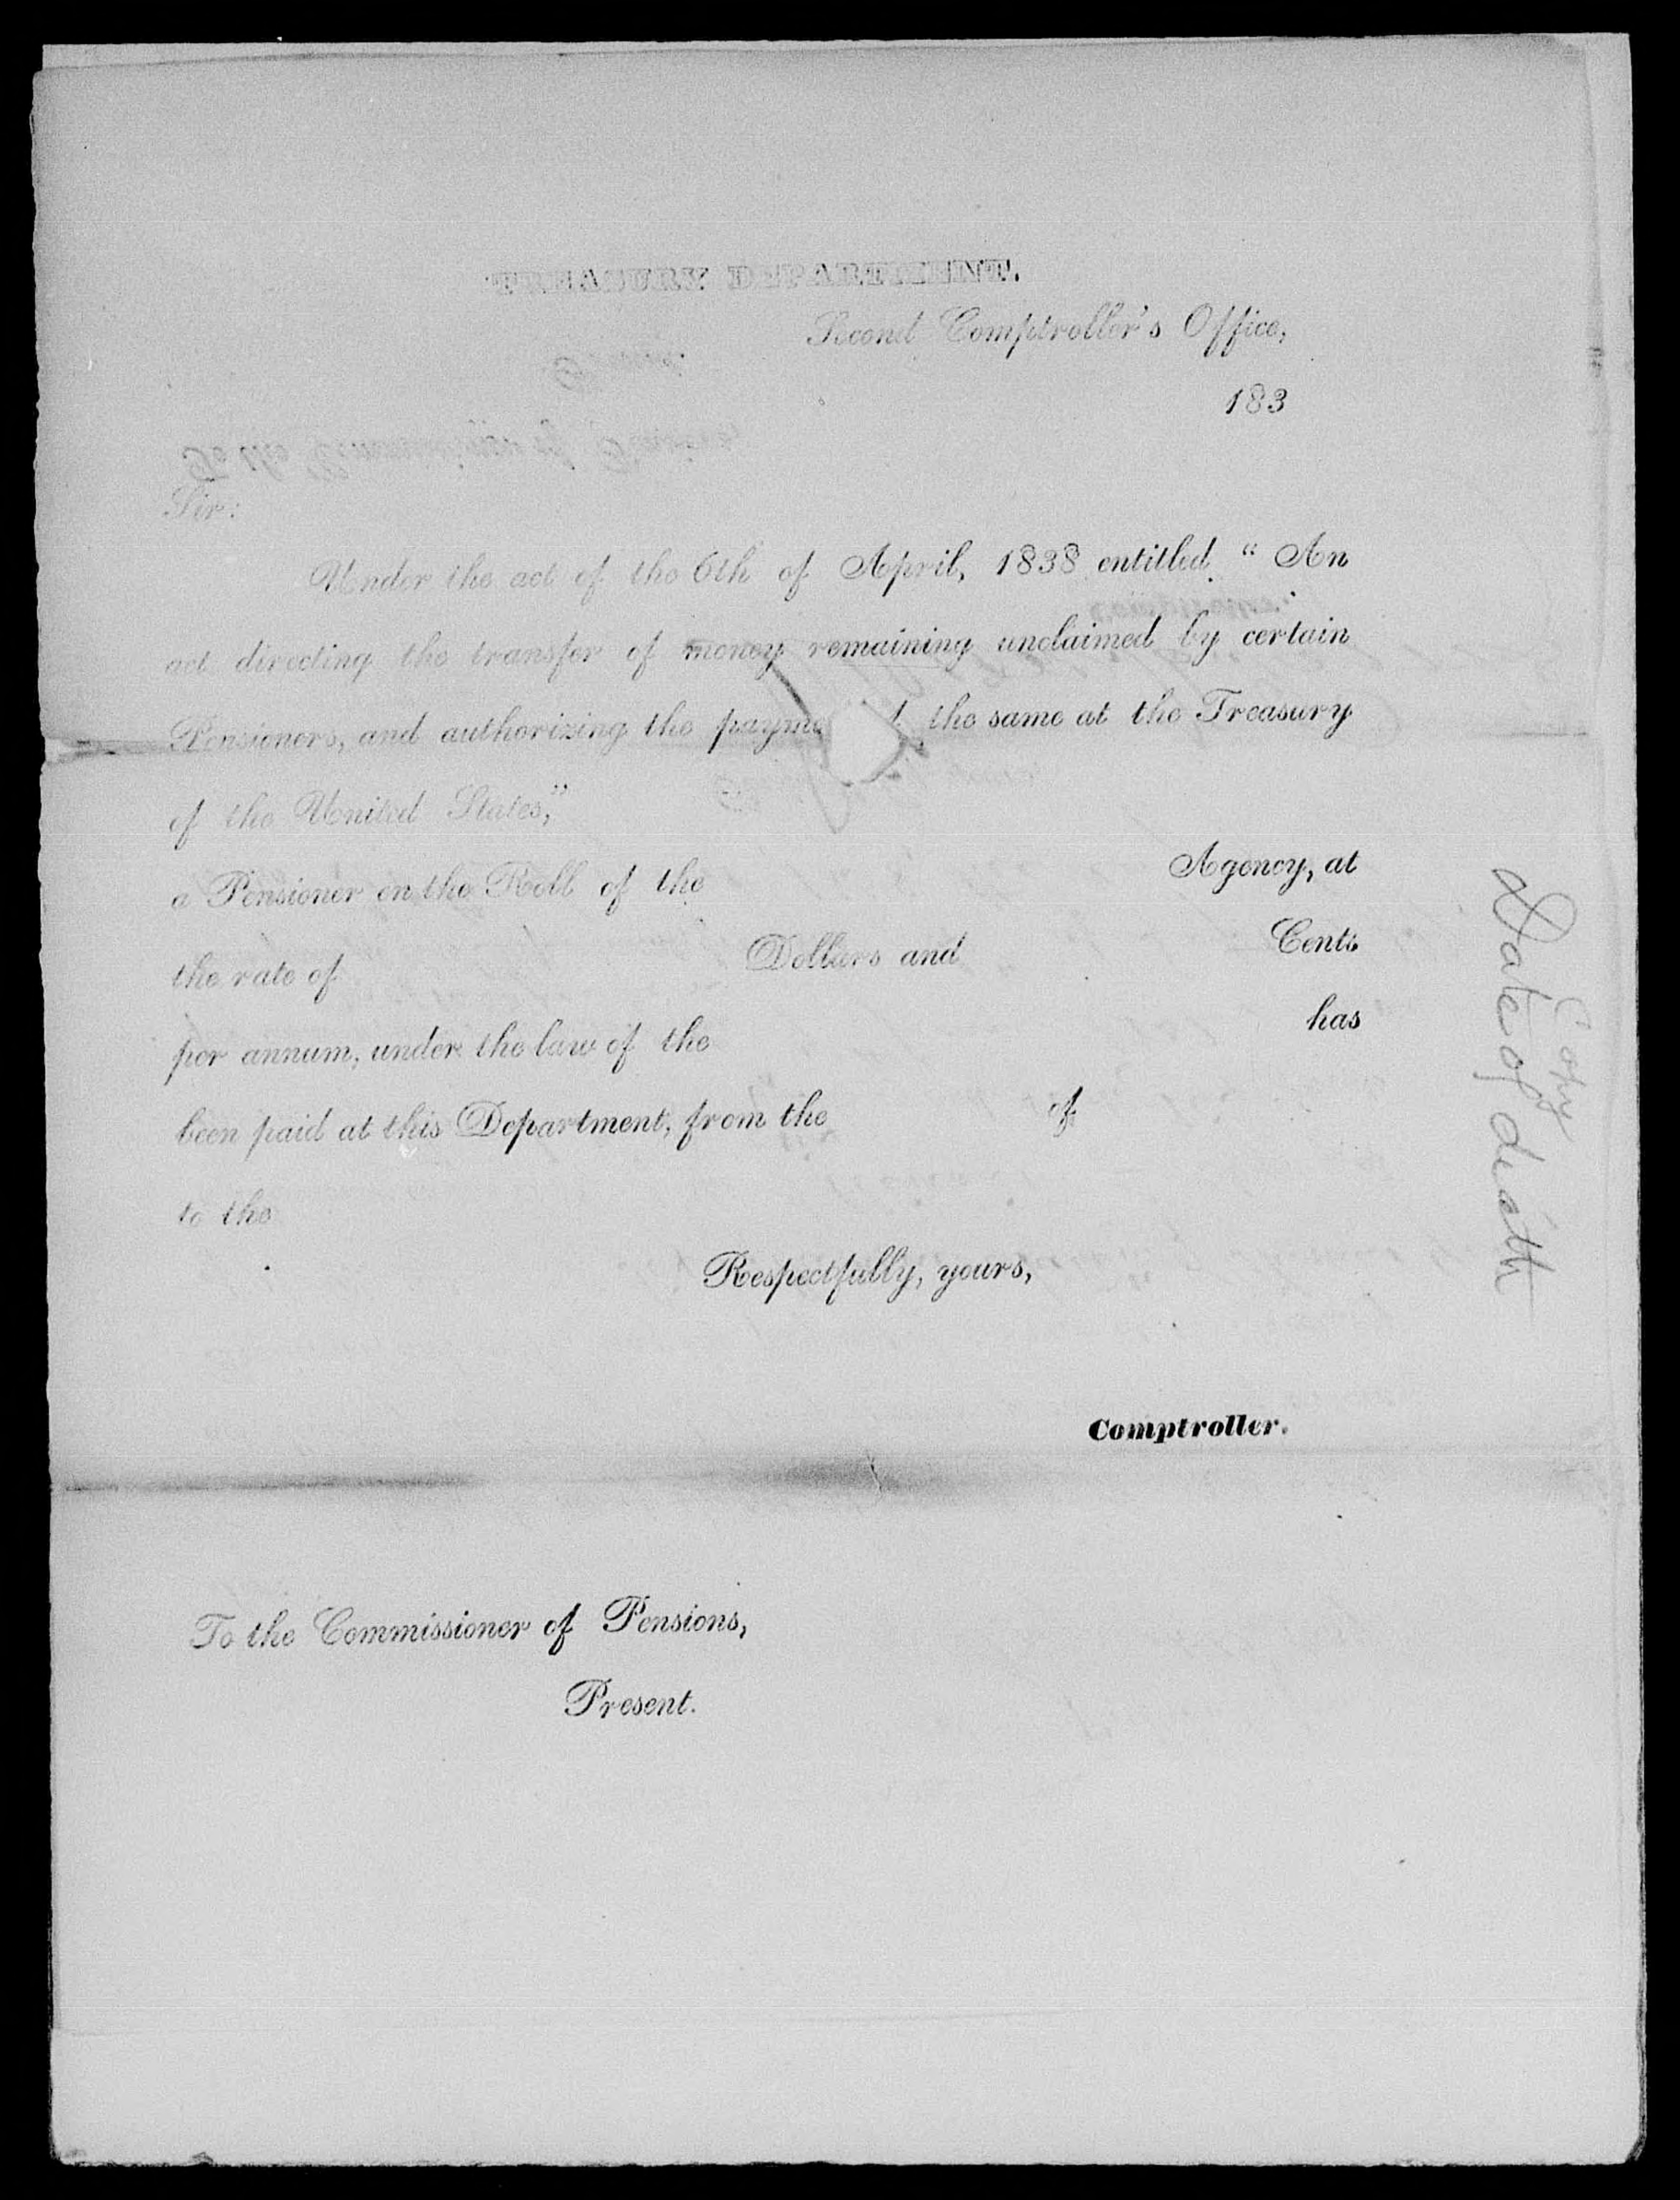TREASURY DEPARTMENT
Second Comptroller's Office,
Under the act of the 6th of April, 1838 entitled "An act directing the transfer of money remaining unclaimed by certain Pensioners, and authorizing the pay the same at the Treasury
of the United States,
a Pensioner on the Roll of the _ Agency at the rate of _ Dollars and _ cents per annum, under the law of the
_ has been paid at this Department, from the _ to the _
Respectfully, yours,
Comptroller
To the Commissioner of Pensions
Present.

Copy
Date of death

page: 6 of 44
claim: survivor's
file: S. 31,061, Thomas Gill, S.C.